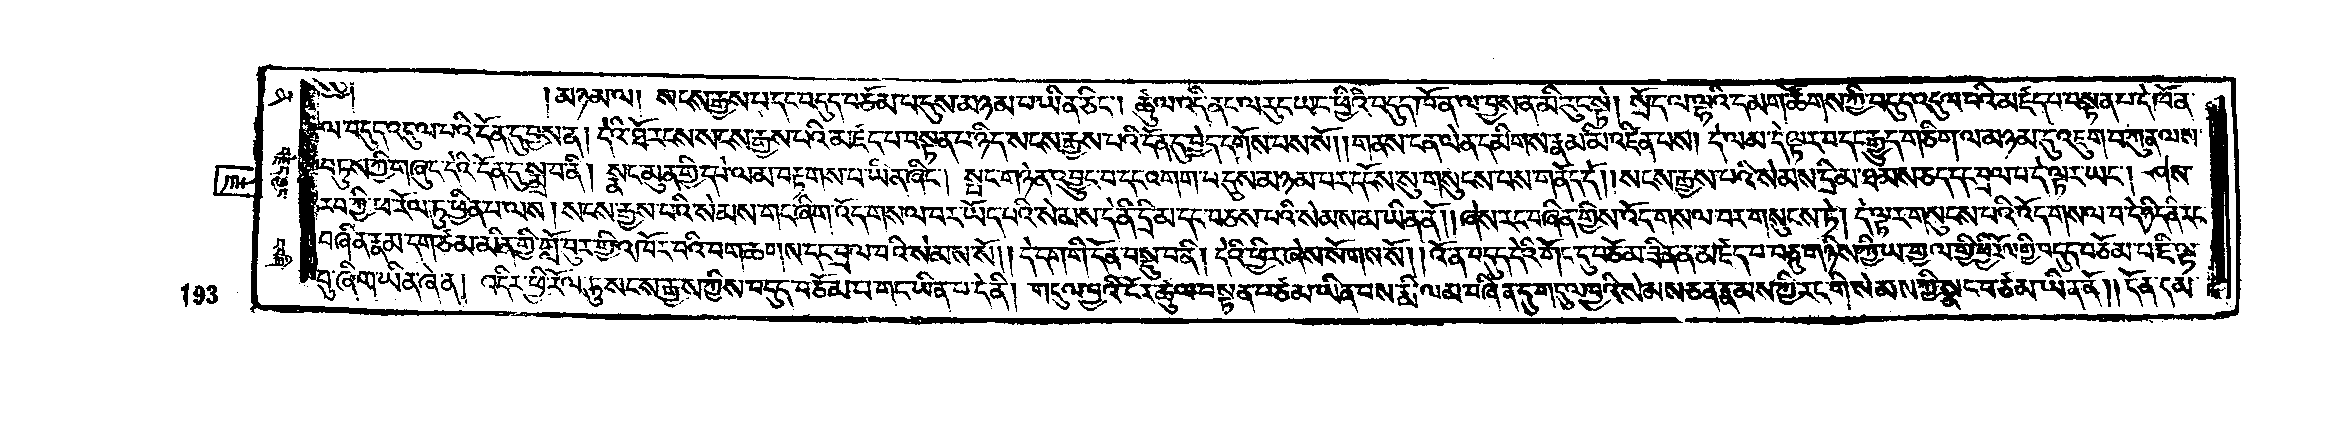༄༅། །མཉམ་ལ། སངས་རྒྱས་པ་དང་བདུད་བཅོམ་པ་དུས་མཉམ་པ་ཡིན་ཅིང་། ཚུལ་འདི་ནང་ལ་རུང་ཡང་ཕྱིའི་བདུད་ཁོ་ན་ལ་བྱས་ན་མི་རུང་སྟེ། སྲོད་ལ་ལྷའི་དམག་ཚོགས་ཀྱི་བདུད་འདུལ་པའི་མཛད་པ་བསྟན་པ་དེ་ཁོ་ན་
ལ་བདུད་འདུལ་པའི་དོན་དུ་བྱས་ན། དེའི་ཐོ་རངས་སངས་རྒྱས་པའི་མཛད་པ་བསྟན་པ་ཉིད་སངས་རྒྱས་པའི་དོན་དུ་བྱེད་དགོས་པས་སོ། །གནས་ངན་ལེན་དམིགས་རྣམ་མི་འཛིན་པས། དེ་ལམ་དེ་ལྟར་བ་དང་རྒྱུད་གཅིག་ལ་མཉམ་དུ་འཇུག་པ་ཀུན་ལས་
བཏུས་ཀྱི་གཞུང་དེའི་དོན་དུ་སྨྲ་བ་ནི། སྣང་མུན་གྱི་དཔེ་ལ་མ་བརྟགས་པ་ཡིན་ཞིང་། སྤང་གཉེན་འབྱུང་བ་དང་འགག་པ་དུས་མཉམ་པར་དངོས་སུ་གསུངས་པས་གནོད་དོ། །སངས་རྒྱས་པའི་སེམས་དྲི་མ་ཐམས་ཅད་དང་བྲལ་པ་དེ་ལྟར་ཡང་། ཤེས་
རབ་ཀྱི་ཕ་རོལ་ཏུ་ཕྱིན་པ་ལས། སངས་རྒྱས་པའི་སེམས་གང་ཞིག་འོད་གསལ་བར་ཡོད་པའི་སེམས་དེ་ནི་དྲི་མ་དང་བཅས་པའི་སེམས་མ་ཡིན་ནོ། །ཞེས་རང་བཞིན་གྱིས་འོད་གསལ་བར་གསུངས་ཏེ། དེ་ལྟར་གསུངས་པའི་འོད་གསལ་བ་དེ་ཉིད་ནི་རང་
བཞིན་རྣམ་དག་ཙམ་མིན་གྱི་གློ་བུར་གྱི་འཁོར་བའི་བག་ཆགས་དང་བྲལ་བའི་སེམས་སོ། །དེ་དག་གི་དོན་བསྡུ་བ་ནི། དེའི་ཕྱིར་ཞེས་སོགས་སོ། །འོ་ན་བདུད་དེའི་གོང་དུ་བཅོམ་ཟིན་ན་མཛད་པ་བཅུ་གཉིས་ཀྱི་ཡ་གྱལ་གྱི་ཕྱི་རོལ་གྱི་བདུད་བཅོམ་པ་ཇི་ལྟ་
བུ་ཞིག་ཡིན་ཞེ་ན། འདིར་ཕྱི་རོལ་ཏུ་སངས་རྒྱས་ཀྱིས་བདུད་བཅོམ་པ་གང་ཡིན་པ་དེ་ནི། གདུལ་བྱའི་ངོར་ཚུལ་བསྟན་པ་ཙམ་ཡིན་པས་རྨི་ལམ་བཞིན་དུ་གདུལ་བྱའི་སེམས་ཅན་རྣམས་ཀྱི་རང་གི་སེམས་ཀྱི་སྣང་བ་ཙམ་ཡིན་ནོ། །དོན་དམ་